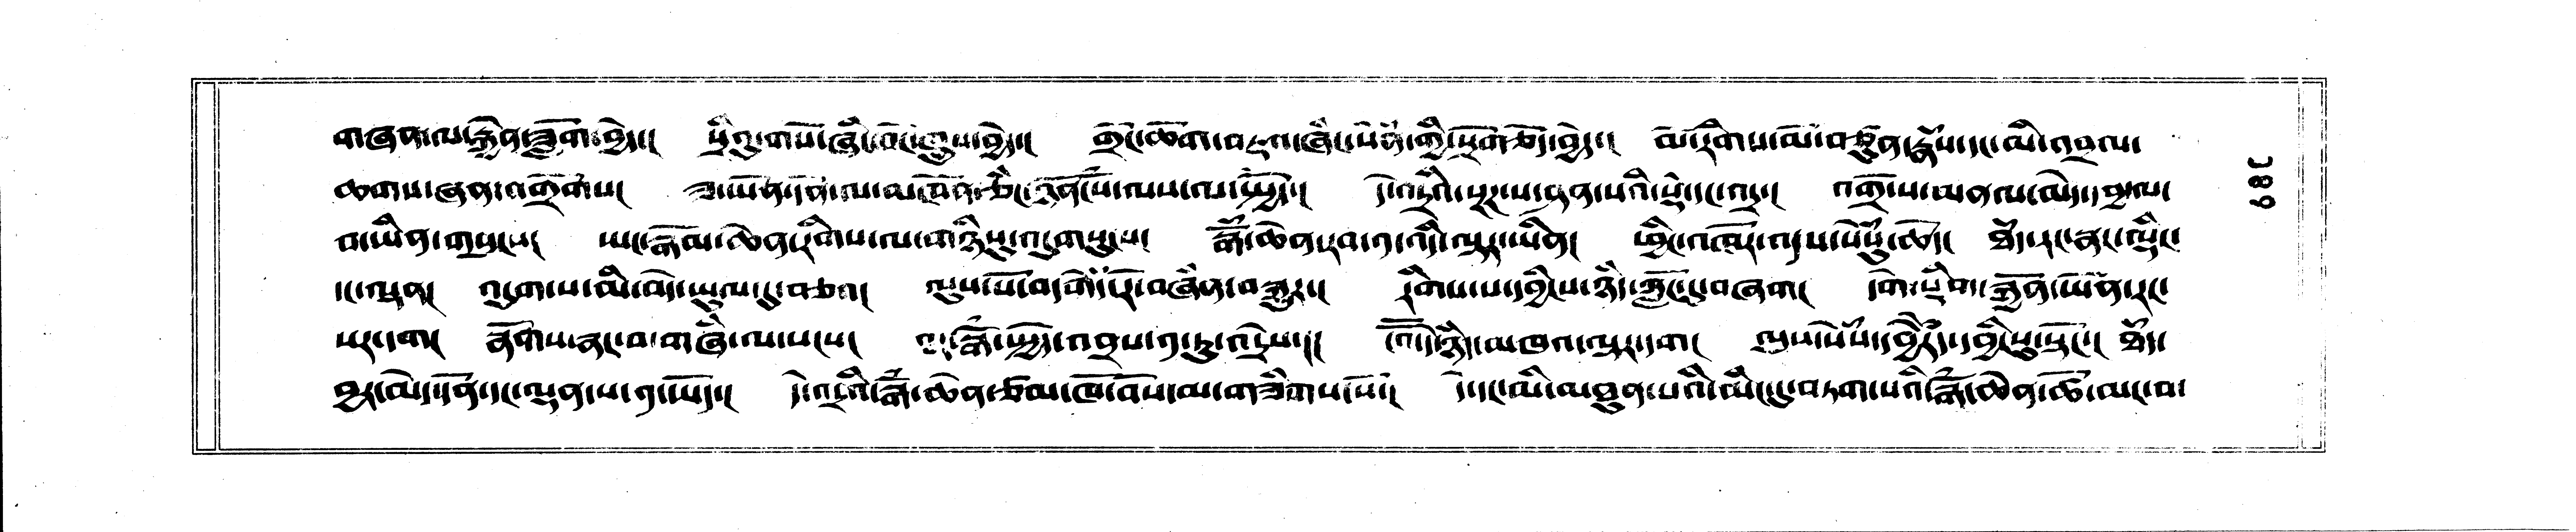༼ལ༽གྱི་རྐྱེན་ཟློག་བྱེད། སྲིའུ་གསོ་ཞིང་བུ་མེད་བང་ཁྲུས་བྱེད། གྲོང་ཆོག་འབད་ཅིང་སེམས་ཅན་སྲོག་གཅོད་བྱེད། མོ་རིགས་མོ་བཙུན་རྣམས་དང་མི་འབྲལ་
ཆགས་ཞན་འགྲོགས། ཟས་ནོར་ཡོན་ལ་མཁོན་ཞིང་ཉོན་མོངས་སྡུག་བསྔལ་སྤྱོད། དེ་འདྲའི་སྔགས་པ་ཤན་པའི་སྡེ་དང་འདྲ། འགྲོ་ས་མནར་མེད་དམྱལ་
ཁམས་ཡིན་ནོ་གསུངས། ཡང་སྒོམས་པའི་རིགས་ལ་གཉིས་སུ་འདུག་གསུངས། སྒོམས་རབས་ཀྱི་ལྟ་བ་འདི་ལྟར་ཡིན། ཕྱི་ནང་འཁོར་འདས་སེམས་སུ་ཆོད། ཐམས་ཅད་རང་སྣང་ལྡིང་
༼གདེང་༽དང་ལྡན། འདུག་ས་མི་མེད་ཡུལ་དུ་བཅའ། ལུས་པོ་བདག་མེད་རོ་བཞིན་སྐྱུར། རིག་པ་དབྱིངས་ཉིད་ཀློང་དུ་བཞགས། དགེ་སྡིག་སྐྱོན་ཡོན་རང་
སར་དག སྣ་ཚོགས་སྣང་བ་གསལ་ལ་སྟོང་། ལྟ་སྒོམས་སྤྱོད་འབྲས་གཅིག་དུ་བསྲེ། ངོའོ་དེ་ཉིད་མཁའ་ལྟར་དག ལུས་སེམས་གཉིས་མེད་དབྱིངས་སུ་སྟོང་། ཐམས་
ཅད་ཁྱད་མེད་དོན་དང་ལྡན་པ་ཡོད། དེ་འདྲའི་སྒོམ་ཆེན་རེ་རེ་ཙམ་ཁོ་བོས་གཟིགས་གསུངས། དེ་དང་མི་མཐུན་མིང་དུ་བཏགས་པའི་སྒོམ་ཆེན་ཚོ་